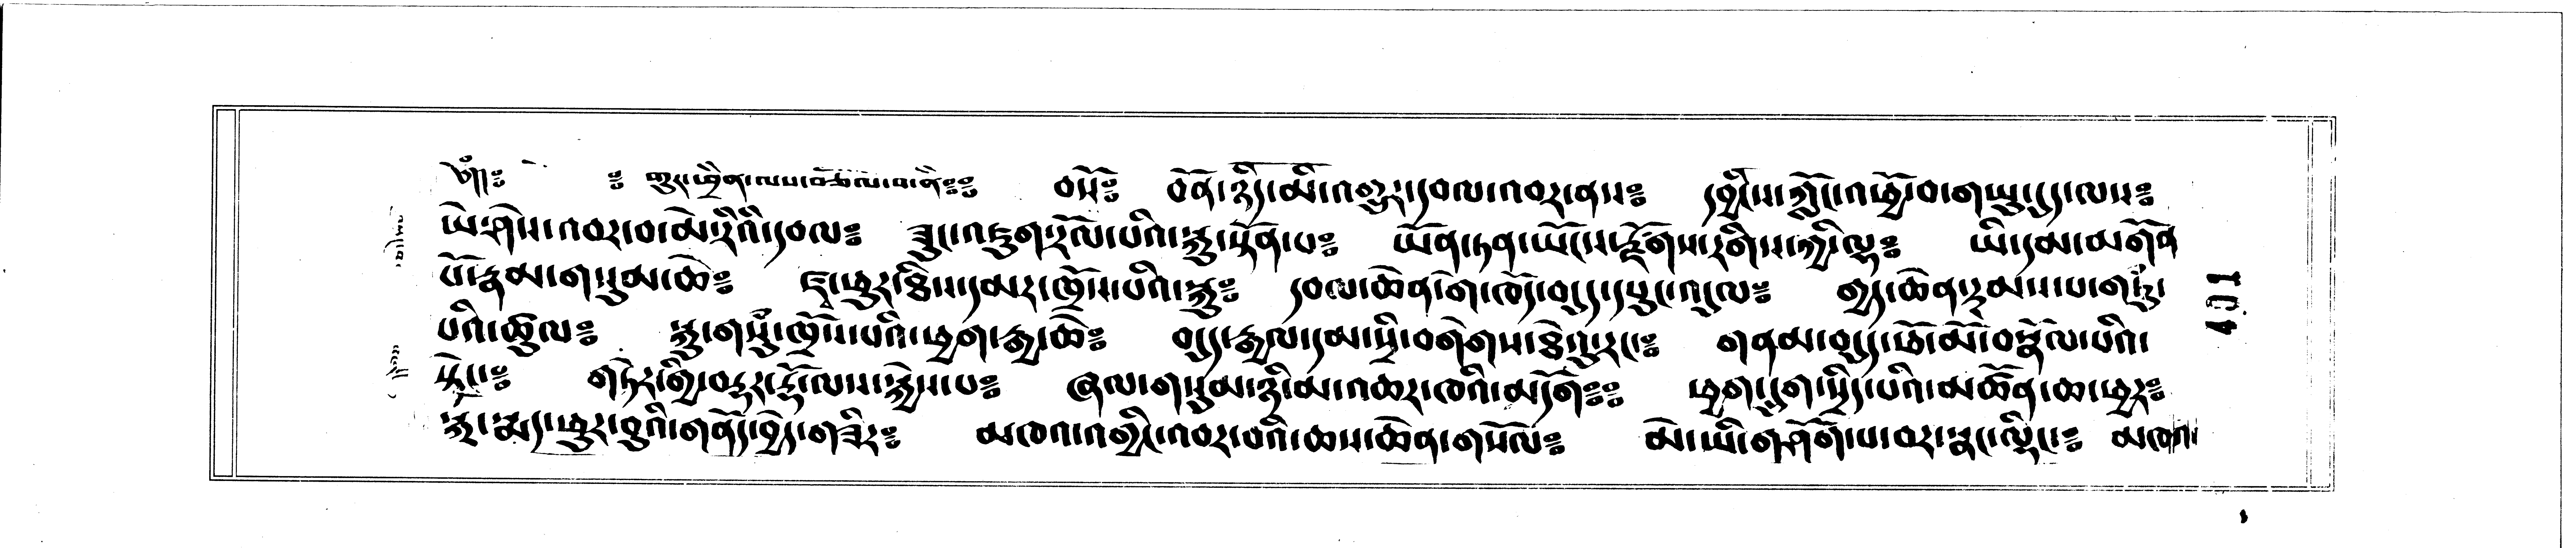༔གུར་ཕྲིན་ལས་བཅོལ་བ་ནི༔༔ བསོ༔ བོན་ཉིད་མི་འགྱུར་དབལ་འབར་ནས༔ དབྱིངས་ཀློང་འཕྱོ་བ་གཡུ་དུད་ལས༔ 
ཡེ་ཤེས་འབར་བ་མེ་རིའི་དབལ༔ ཟུང་འཇུག་རོལ་པའི་སྐུ་སྟོན་པ༔ ཡོན་ཏན་ཡོངས་རྫོགས་རིགས་ཀྱི་ལྷ༔ ཡི་དམ་མགོན་
པོ་རྣམ་གསུམ་ཆེ༔ ཛྭ་ཕུར་ཐིས་དམར་ཁྲོས་པའི་སྐུ༔ དབལ་ཆེན་གེ་ཁོད་བུད་དཔུང་འདུལ༔ གྱད་ཆེན་རྔམས་པ་གཏུམ་
པའི་ཚུལ༔ སྐུ་གསུམ་ཁྲོས་པའི་ཕྱག་རྒྱ་ཆེ༔ བདུད་རྒྱལ་དམ་སྲི་བགེགས་ཐེའུ་རང་༔ གནམ་བདུད་ཕོ་མོ་བསྣོལ་པའི་
སྟེང་༔ གཏེར་གྱི་བརྡར་རྡོ་ལས་སྐྱེས་པ༔ ཞལ་གསུམ་ཉི་མ་འཆར་ཁའི་མདོག༔ ཕྱག་དྲུག་སྲིད་པའི་མཚོན་ཆ་ཕྱར༔ 
སྐུ་སྨད་ཕུར་བུའི་གནོད་བྱེད་གཟིར༔ མཁའ་འགྱིང་འབར་བའི་ཆས་ཆེན་གསོལ༔ མེ་ཡི་གཤོག་པ་བར་སྣང་ལྡིང་༔ མཁའ་